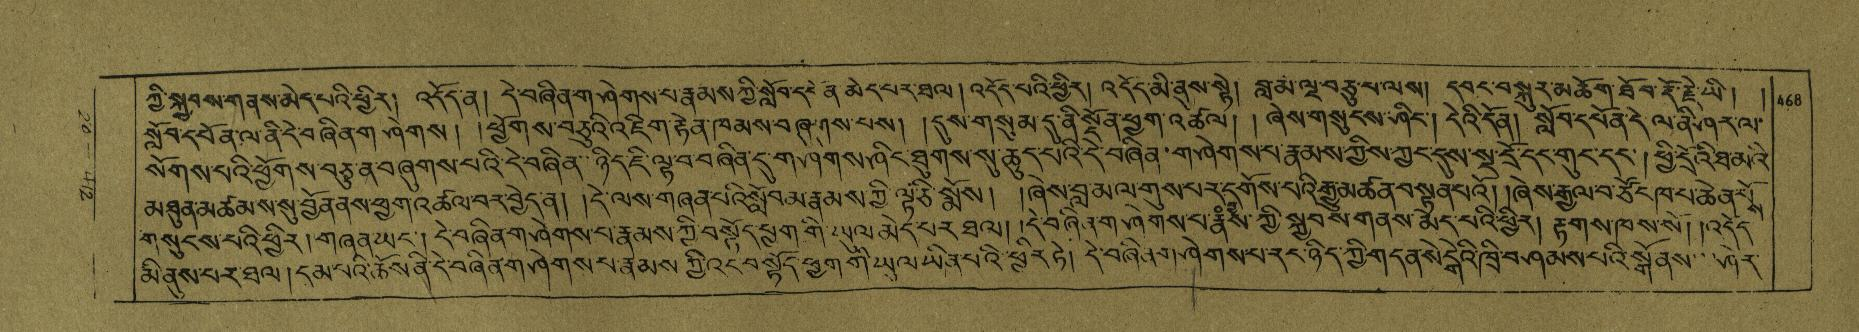ཀྱི་སྐྱབས་གནས་མེད་པའི་ཕྱིར། འདོད་ན། དེ་བཞིན་གཤེགས་པ་རྣམས་ཀྱི་སློབ་དཔོན་མེད་པར་ཐལ། འདོད་པའི་ཕྱིར། འདོད་མི་ནུས་སྟེ། བླ་མ་ལྔ་བཅུ་པ་ལས། དབང་བསྐུར་མཆོག་ཐོབ་རྡོ་རྗེ་ཡི། །
སློབ་དཔོན་ལ་ནི་དེ་བཞིན་གཤེགས། །ཕྱོགས་བཅུའི་འཇིག་རྟེན་ཁམས་བཞུགས་པས། །དུས་གསུམ་དུ་ནི་སྔོན་ཕྱག་འཚལ། །ཞེས་གསུངས་ཤིང་། དེའི་དོན། སློབ་དཔོན་དེ་ལ་ནི་ཤར་ལ་
སོགས་པའི་ཕྱོགས་བཅུ་ན་བཞུགས་པའི་དེ་བཞིན་ཉིད་ཇི་ལྟ་བ་བཞིན་དུ་གཤེགས་ཤིང་ཐུགས་སུ་ཆུད་པའི་དེ་བཞིན་གཤེགས་པ་རྣམས་ཀྱིས་ཀྱང་དུས་སྔ་དྲོ་དང་གུང་དང་། ཕྱི་དྲོའི་ཐ་མའི་
མཐུན་མཚམས་སུ་བྱོན་ནས་ཕྱག་འཚལ་བར་བྱེད་ན། །དེ་ལས་གཞན་པའི་སློབ་མ་རྣམས་ཀྱི་ལྟ་ཅི་སྨོས། །ཞེས་བླ་མ་ལ་གུས་པར་དགོས་པའི་རྒྱུ་མཚན་བསྟན་པའོ། །ཞེས་རྒྱལ་བ་ཙོང་ཁ་པ་ཆེན་པོས་
གསུངས་པའི་ཕྱིར། གཞན་ཡང་། དེ་བཞིན་གཤེགས་པ་རྣམས་ཀྱི་བསྟོད་ཕྱག་གི་ཡུལ་མེད་པར་ཐལ། །དེ་བཞིན་གཤེགས་པ་རྣཾས་ཀྱི་སྐྱབས་གནས་མེད་པའི་ཕྱིར། རྟགས་ཁས་སོ། །འདོད་
མི་ནུས་པར་ཐལ། དམ་པའི་ཆོས་ནི་དེ་བཞིན་གཤེགས་པ་རྣམས་ཀྱི་འང་བསྟོད་ཕྱག་གི་ཡུལ་ཡིན་པའི་ཕྱིར་ཏེ། དེ་བཞིན་གཤེགས་པ་རང་ཉིད་ཀྱི་གདན་སེངྒེའི་ཁྲི་བཤམས་པའི་སྒོ་ནས་ཤེར་